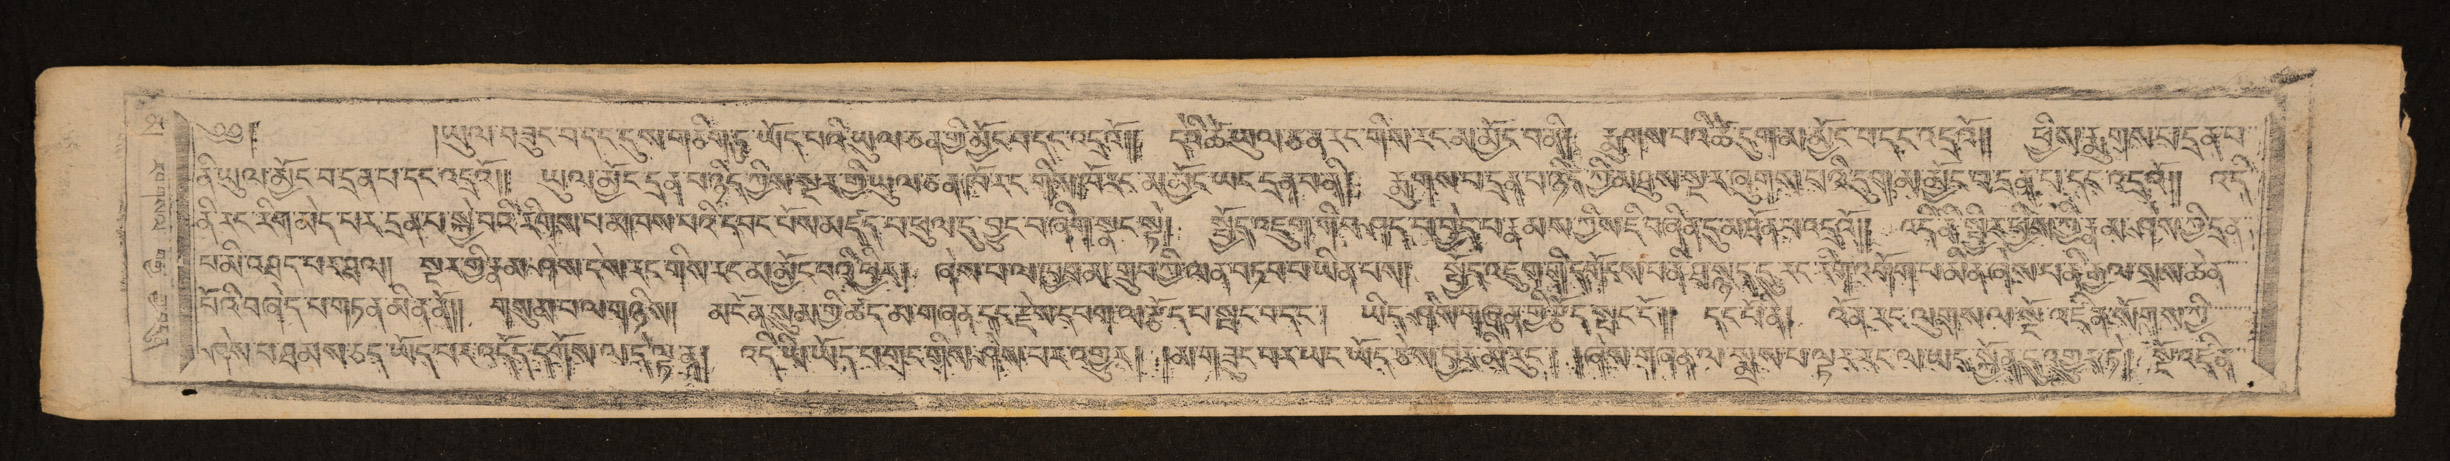༄༅། །ཡུལ་བཟུང་བ་དང་དུས་གཅིག་ཏུ་ཡོད་པའི་ཡུལ་ཅན་གྱི་མྱོང་བ་དང་འདྲའོ།། དེའི་ཚེ་ཡུལ་ཅན་རང་གིས་རང་མ་མྱོང་བ་ནི། རྨུགས་པའི་ཚེ་དུག་མ་མྱོང་བ་དང་འདྲའོ།། ཕྱིས་རྨུགས་པ་དྲན་པ་
ནི་ཡུལ་མྱོང་བ་དྲན་པ་དང་འདྲའོ།། ཡུལ་མྱོང་དྲན་པ་ཉིད་ཀྱིས་སྔར་གྱི་ཡུལ་ཅན་ཁོ་རང་གིས་ཁོ་རང་མ་མྱོང་ཡང་དྲན་པ་ནི། རྨུགས་པ་དྲན་པ་ཉིད་ཀྱི་མཐུས་སྔར་ཞུགས་པའི་དུག་མ་མྱོང་བ་དྲན་པ་དང་འདྲའོ།། འདི་
ནི་རང་རིག་མེད་པར་དྲན་པ་སྐྱེ་བའི་རིགས་པ་མཁས་པའི་དབང་པོས་མཛད་པ་ཕུལ་དུ་བྱུང་བ་ཞིག་སྣང་སྟེ། སྤྱོད་འཇུག་གི་བཤད་པ་བྱེད་པ་རྣམས་ཀྱིས་ཇི་བཞིན་དུ་མཐོན་པ་འདྲའོ།། འདི་ནི་སྤྱིར་ཕྱིས་ཀྱི་རྣམ་ཤེས་ཀྱི་དྲན་
པ་མི་འཐད་པར་ཐལ། སྔར་གྱི་རྣམ་ཤེས་དེས་རང་གིས་རང་མ་མྱོང་བའི་ཕྱིར། ཞེས་པ་ལ་ཁྱབ་མ་གྲུབ་ཀྱི་ལན་བཏབ་པ་ཡིན་པས། སྤྱོད་འཇུག་གི་དགོངས་པ་ནི་ཐ་སྙད་དུ་རང་རིག་འགོག་པ་མིན་ཞེས་པ་ནི་རྒྱལ་སྲས་ཆེན་
པོའི་བཞེད་པ་གཏན་མིན་ནོ།། གསུམ་པ་ལ་གཉིས། མངོན་སུམ་གྱི་ཚད་མ་གཞན་དང་རྗེས་དཔག་ལ་རྩོད་པ་སྤང་བ་དང་། ཡིད་ཤེས་གཞན་གྱི་རྩོད་སྤང་ངོ།། དང་པོ་ནི། འོ་ན་རང་ལུགས་ལ་སྔོ་འཛིན་སོགས་ཀྱི་
ཤེས་པ་ཐམས་ཅད་ཡོད་པར་འདོད་དགོས་ལ་དེ་ལྟ་ན། འདི་ཡི་ཡོད་པ་གང་གིས་ཤེས་པར་འགྱུར། །མ་གཟུང་བར་ཡང་ཡོད་ཅེས་བྱར་མི་རུང་། །ཞེས་གཞན་ལ་སྨྲས་པ་ལྟར་རང་ལ་ཡང་སྐྱོན་དུ་འགྱུར་ཏེ། སྔོ་འཛིན་